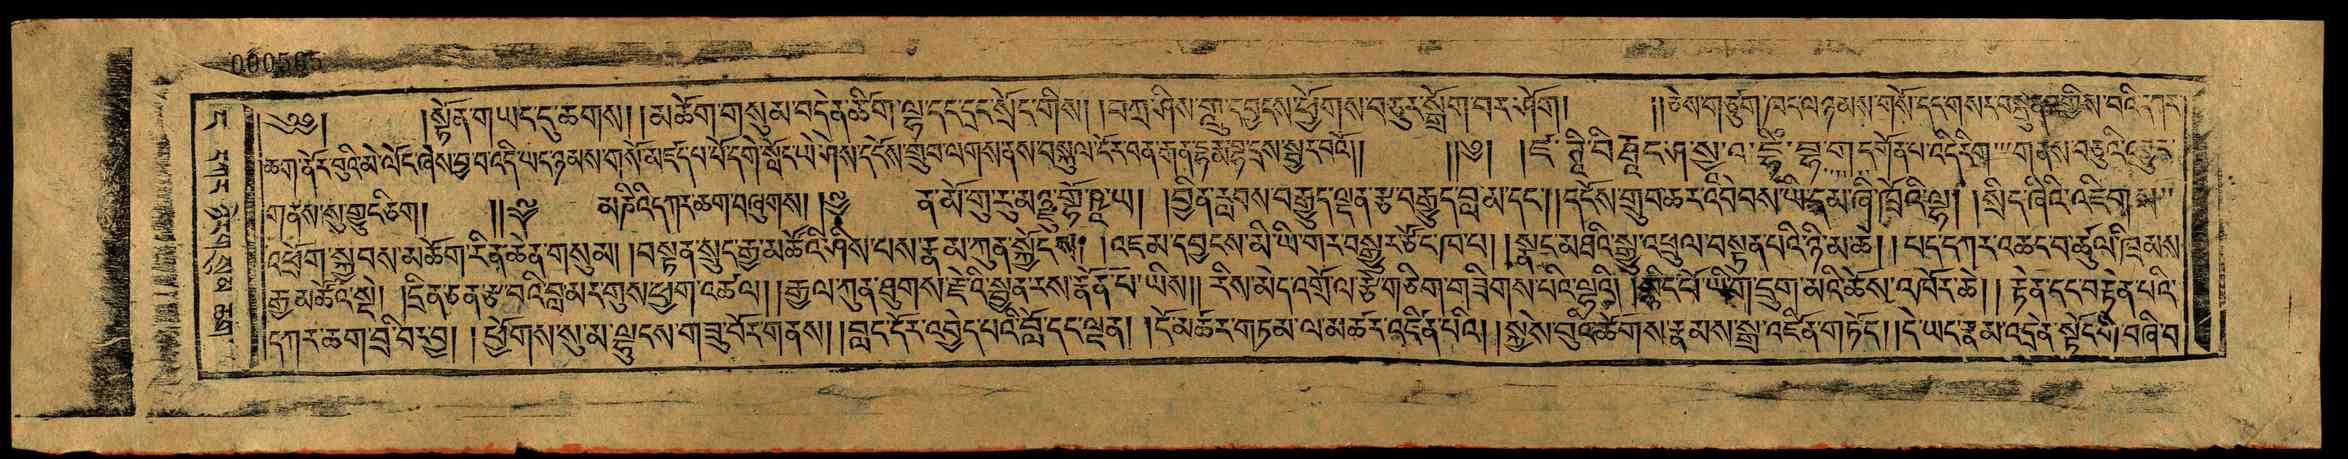༄༅། །སྟོན་གཡང་དུ་ཆགས། །མཆོག་གསུམ་བདེན་ཚིག་ལྷ་དང་དྲང་སྲོང་གིས། །བཀྲ་ཤིས་གླུ་དབྱངས་ཕྱོགས་བཅུར་སྒྲོག་པར་ཤོག། །།ཅེས་གཙུག་ཁང་ལ་ཉམས་གསོ་དང་གསར་བསྐྲུན་བགྱིས་བའི་དཀར་
ཆག་ནོར་བུའི་མེ་ལོང་ཞེས་བྱ་བ་འདི་ཡང་ཉམས་གསོ་མཛད་པ་པོ་དགེ་སློང་ཡེ་ཤེས་དངོས་གྲུབ་ལགས་ནས་བསྐུལ་ངོར་བན་རྒན་དྷརྨ་བྷ་དྲས་སྦྱར་བའོ།། །།༄༅། །ཛ་ཊཱི་བི་རྠཱད་ཤ་སྱཱབ་དྷིཾ་བྷ་བ། དགོན་པ་འདི་རིག་་་གནས་བཅུའི་འབྱུང་
གནས་སུ་གྱུར་ཅིག། །། འ་མ་ཎིའི་དཀར་ཆག་བཞུགས། འ་ན་མོ་གུ་རུ་མཉྫུ་གྷོ་ཥཱ་ཡ། །བྱིན་རླབས་བརྒྱད་ལྡན་རྩ་བརྒྱུད་བླ་མ་དང་། །དངོས་གྲུབ་ཆར་འབེབས་ཡི་དམ་ཞི་ཁྲོའི་ལྷ། །སྲིད་ཞིའི་འཇིགས་
འཕྲོག་སྐྱབས་མཆོག་རིན་ཆེན་གསུམ། །བསྟན་སྲུང་རྒྱ་མཚོའི་ཤིས་པས་རྣམ་ཀུན་སྐྱོངས། །འཇམ་དབྱངས་མི་ཡི་གར་བསྒྱུར་ཙོང་ཁ་པ། །སྣང་མཐའི་སྒྱུར་འཕྲུལ་བསྟན་པའི་ཉི་མ་ཆེ། །པད་དཀར་འཆང་བ་ཚུལ་ཁྲིམས་
རྒྱ་མཚོའི་སྡེ། །དྲིན་ཅན་རྩ་བའི་བླ་མར་གུས་ཕྱག་འཚལ། །རྒྱལ་ཀུན་ཐུགས་རྗེའི་སྤྱན་རས་རྣོན་པོ་ཡིས། །རིས་མེད་འགྲོ་ལ་རྩེ་གཅིག་གཟིགས་པའི་ལྷའི། །སྙིང་པོ་ཡི་གེ་དྲུག་མའི་ཆོས་འཁོར་ཆེ། །རྟེན་དང་བརྟེན་པའི་
དཀར་ཆག་བྲི་བར་བྱ། །ཕྱོགས་སུ་མ་ལྷུངས་གཟུ་བོར་གནས། །བླང་དོར་འབྱེད་པའི་བློ་དང་ལྡན། །ངོ་མཚར་གཏམ་ལ་མཚར་འཛིན་པའི། །སྐྱེས་བུའི་ཚོགས་རྣམས་སྒྲ་འཛིན་གཏོད། །དེ་ཡང་རྣམ་འདྲེན་སྟོང་གི་བཞི་པ་